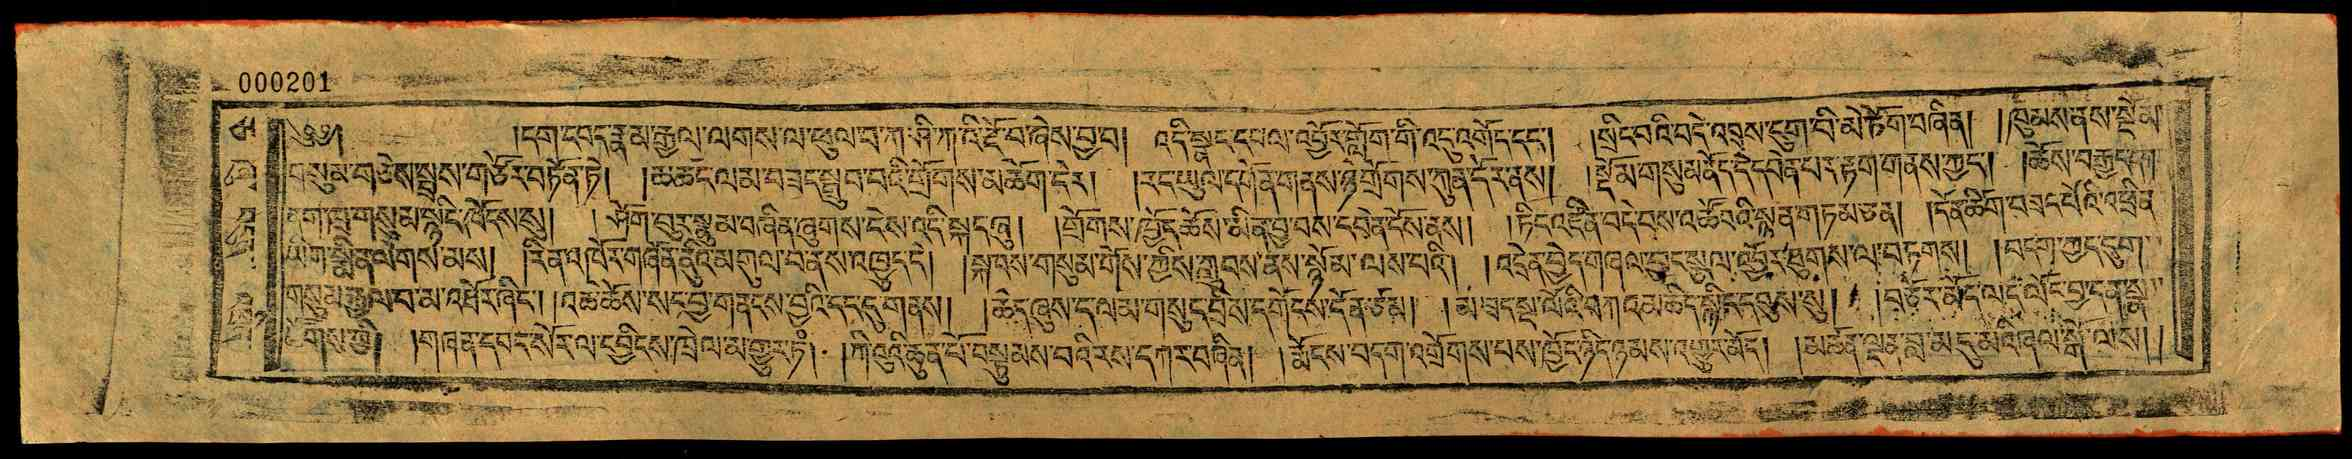༄༅། །ངག་དབང་རྣམ་རྒྱལ་ལགས་ལ་ཕུལ་བ་ཀ་ཤི་ཀའི་རྡོ་བ་ཞེས་བྱ་བ། དེ་སྣང་དཔལ་འབྱོར་གློག་གི་འདུ་འགོང་དང་། །སྲིད་པའི་བདེ་འབྲས་ངག་གི་མེ་ཏོག་བཞིན། །ཁུམས་ནས་སྡོམ་
གསུམ་གཅེས་སྦུས་གཙོར་བཏོན་ཏེ། །ཆ་ཚང་ལམ་བཟང་སྒྲུབ་པའི་གྲོགས་མཆོག་དེར། །རང་ཡུལ་དགོན་གནས་ཉེ་གྲོགས་ཀུན་དར་ནས། །སྔོན་གསུམ་ནོད་དེ་དབེན་པར་རྟག་གནས་ཀྱང་། །ཆོས་བརྒྱད་དཀར་
ནག་ཁྲ་གསུམ་སྙིང་ཁོངས་སུ། །ཤོག་པུར་སྣུམ་བཞིན་ཞུགས་ངེས་འདི་སྐད་ཞུ། །གྲོགས་ཁྱོད་ཆོས་མིན་བྱ་བས་དབེན་ངོས་ནས། །ཏིང་འཛིན་བདེ་བས་འཚོ་བའི་སྙན་གཏམ་ཅན། །དོན་ཚིག་བཟང་པོའི་འཕྲིན་
ཐིག་སྨིན་ལེགས་མས། །རིན་འཁོར་གཞོན་ནུའི་མགུལ་བ་ནས་འཁྲུད་དེ། །སྐབས་གསུམ་གོས་ཀྱིས་ཀླུ་བས་ནས་སྙོམ་ལས་པའི། །འདྲེན་བྱེད་གཞལ་བྱར་སྩལ་འབྱོར་ཐུགས་ལ་བཏགས། །བདག་ཀྱང་དུག་
གསུམ་རྐྱལ་བ་མ་འཐོར་ཞིང་། །འཆི་ཆོས་སད་བྱ་གནངས་བྱའི་ངང་དུ་གནས། །ཆེད་ཞུས་ད་ལམ་གསུང་བྲིས་དགོངས་དོན་ཙམ། །མ་ཟད་སྔ་ལོའི་བཀའ་མཆིད་སྙིང་དབུས་སུ། །བཙེར་མོད་ལང་ལོང་བྱ་ངན་སྣ་
ཚོགས་ཀྱི། །གཞན་དབང་སོར་ལ་དབྱིངས་ཁྲལ་མ་གྱུར་ཏེ། །ཀིའུའི་ཆུན་པོ་བསྟུམས་པའི་རས་དཀར་བཞིན། །རྨོངས་བདག་འགྲོགས་པས་ཁྱོད་ཉིད་ཉམས་འགྱུར་མོད། །མཚན་ལྡན་བླ་མ་དུ་མའི་ཞལ་སྒོ་ལས། །